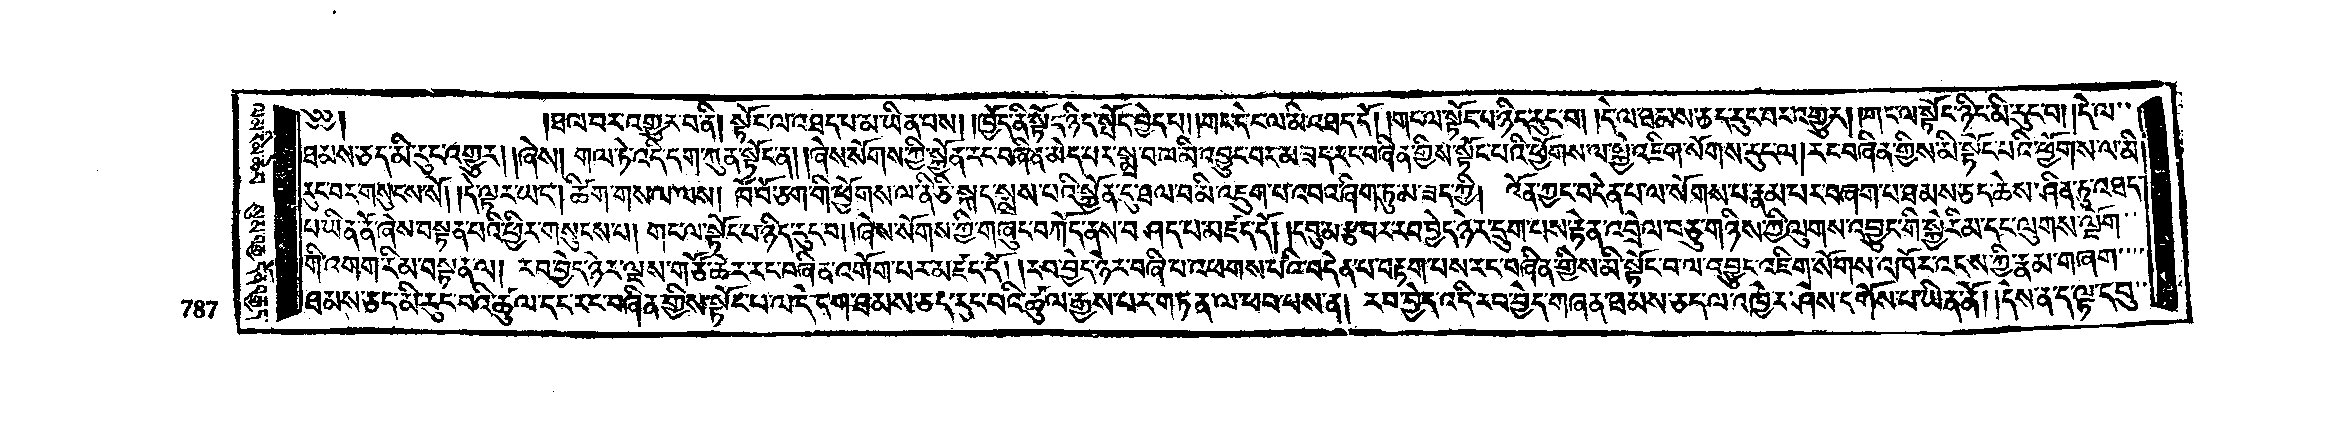༄༅། །ཐལ་བར་འགྱུར་བ་ནི། སྟོང་ལ་འཐད་པ་མ་ཡིན་པས། །ཁྱོད་ནི་སྟོང་ཉིད་སྤོང་བྱེད་པ། །གང་དེ་ང་ལ་མི་འཐད་དོ། །གང་ལ་སྟོང་པ་ཉིད་རུང་བ། །དེ་ལ་ཐམས་ཅད་རུང་བར་འགྱུར། །གང་ལ་སྟོང་ཉིད་མི་རུང་བ། །དེ་ལ་
ཐམས་ཅད་མི་རུང་འགྱུར། །ཞེས། གལ་ཏེ་འདི་དག་ཀུན་སྟོང་ན། །ཞེས་སོགས་ཀྱི་སྐྱོན་རང་བཞིན་མེད་པར་སྨྲ་བ་ལ་མི་འབྱུང་བར་མ་ཟད་རང་བཞིན་གྱིས་སྟོང་པའི་ཕྱོགས་ལ་སྐྱེ་འཇིག་སོགས་རུང་ལ། རང་བཞིན་གྱིས་མི་སྟོང་པའི་ཕྱོགས་ལ་མི་
རུང་བར་གསུངས་སོ། །དེ་ལྟར་ཡང་། ཚིག་གསལ་ལས། ཁོ་བོ་ཅག་གི་ཕྱོགས་ལ་ནི་ཅི་སྐད་སྨྲས་པའི་སྐྱོན་དུ་ཐལ་བ་མི་འཇུག་པ་འབའ་ཞིག་ཏུ་མ་ཟད་ཀྱི། འོན་ཀྱང་བདེན་པ་ལ་སོགས་པ་རྣམ་པར་བཞག་པ་ཐམས་ཅད་ཆེས་ཤིན་ཏུ་འཐད་
པ་ཡིན་ནོ་ཞེས་བསྟན་པའི་ཕྱིར་གསུངས་པ། གང་ལ་སྟོང་པ་ཉིད་རུང་བ། །ཞེས་སོགས་ཀྱི་གཞུང་བཀོད་ནས་བཤད་པ་མཛད་དོ། །དབུ་མ་རྩ་བར་རབ་བྱེད་ཉེར་དྲུག་པས་རྟེན་འབྲེལ་བཅུ་གཉིས་ཀྱི་ལུགས་འབྱུང་གི་སྐྱེ་རིམ་དང་ལུགས་ལྡོག་
གི་འགག་རིམ་བསྟན་ལ། རབ་བྱེད་ཉེར་ལྔས་གཙོ་ཆེར་རང་བཞིན་འགོག་པར་མཛད་དོ། །རབ་བྱེད་ཉེར་བཞི་པ་འཕགས་པའི་བདེན་པ་བརྟག་པས་རང་བཞིན་གྱིས་མི་སྟོང་པ་ལ་འབྱུང་འཇིག་སོགས་འཁོར་འདས་ཀྱི་རྣམ་གཞག་
ཐམས་ཅད་མི་རུང་བའི་ཚུལ་དང་རང་བཞིན་གྱིས་སྟོང་པ་ལ་དེ་དག་ཐམས་ཅད་རུང་བའི་ཚུལ་རྒྱས་པར་གཏན་ལ་ཕབ་པས་ན། རབ་བྱེད་འདི་རབ་བྱེད་གཞན་ཐམས་ཅད་ལ་འཁྱེར་ཤེས་དགོས་པ་ཡིན་ནོ། །དེས་ན་ད་ལྟ་དབུ་